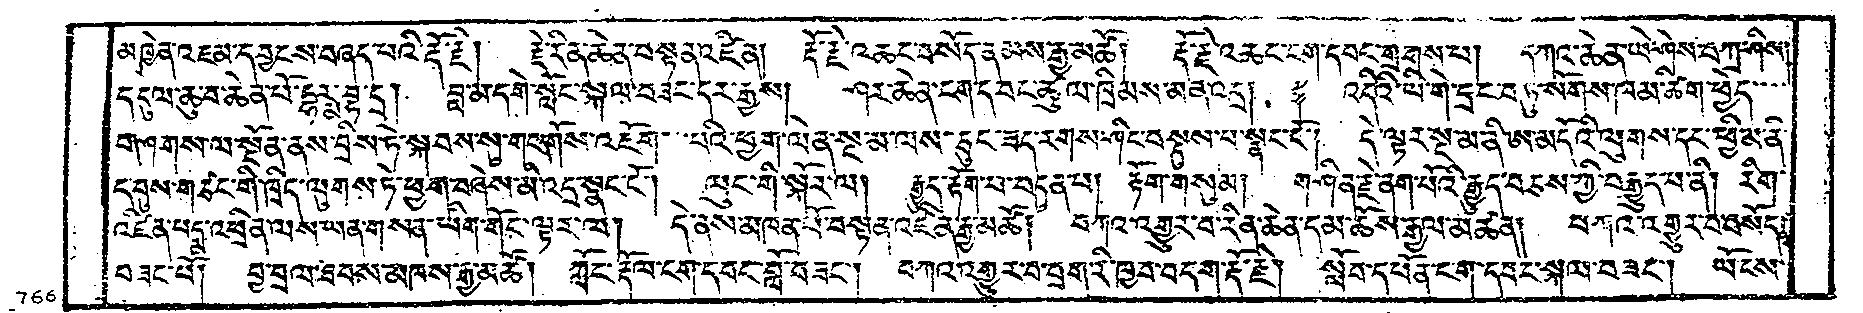མཁྱེན་འཇམ་དབྱངས་བཞད་པའི་རྡོ་རྗེ། རྗེ་རིན་ཆེན་བསྟན་འཛིན། རྡོ་རྗེ་འཆང་བསོད་ནམས་རྒྱ་མཚོ། རྡོ་རྗེ་འཆང་ངག་དབང་གྲགས་པ། དཀའ་ཆེན་ཡེ་ཤེས་བཀྲ་ཤིས།
དངུལ་ཆུ་བ་ཆེན་པོ་དྷརྨ་བྷ་དྲ། བླ་མ་དགེ་སློང་སྐལ་བཟང་དར་རྒྱས། ཤར་ཆེན་ངག་དབང་ཚུལ་ཁྲིམས་མན་འདྲ། ༈ འདིའི་ཡི་གེ་དྲང་བཏུ་སོགས་ཁམ་ཚིག་ཕྱེད་
གཤགས་ལ་སྔོན་ནས་བྲིས་ཏེ་སྐབས་སུ་གང་དགོས་འཇོག་པའི་ཕྱག་ལེན་སྔ་མ་ལས་ཅུང་ཟད་རགས་ཤིང་བསྡུས་པ་སྣང་ངོ། དེ་ལྟར་སྔ་མ་ནི་ཨ་མདོའི་ལུགས་དང་ཕྱི་མ་ནི་
དབུས་གཙང་གི་ཁྲིད་ལུགས་ཏེ་ཕྱག་བཞེས་མི་འདྲ་སྣང་ངོ། ལུང་གི་སྐོར་ལ། རྒྱུད་རྟོག་པ་བདུན་པ། རྟོག་གསུམ། གཤིན་རྗེ་ནག་པོའི་རྒྱུད་བཅས་ཀྱི་བརྒྱུད་པ་ནི། རིག་
འཛིན་པདམ་འཕྲིན་ལས་ཡན་གསན་ཡིག་གོང་ལྟར་ལ། དེ་ནས་མཁན་པོ་བསྟན་འཛིན་རྒྱ་མཚོ། བཀའ་འགྱུར་བ་རིན་ཆེན་དམ་ཆོས་རྒྱལ་མཚན། བཀའ་འགྱུར་བ་བསོད་ནམས་
བཟང་པོ། བྱ་བྲལ་ཐབས་མཁས་རྒྱ་མཚོ། ཀློང་རྡོལ་ངག་དབང་བློ་བཟང་། བཀའ་འགྱུར་བ་བྲག་རི་ཁྱབ་བདག་རྡོ་རྗེ། སློབ་དཔོན་ངག་དབང་སྐལ་བཟང་། ཡོངས་